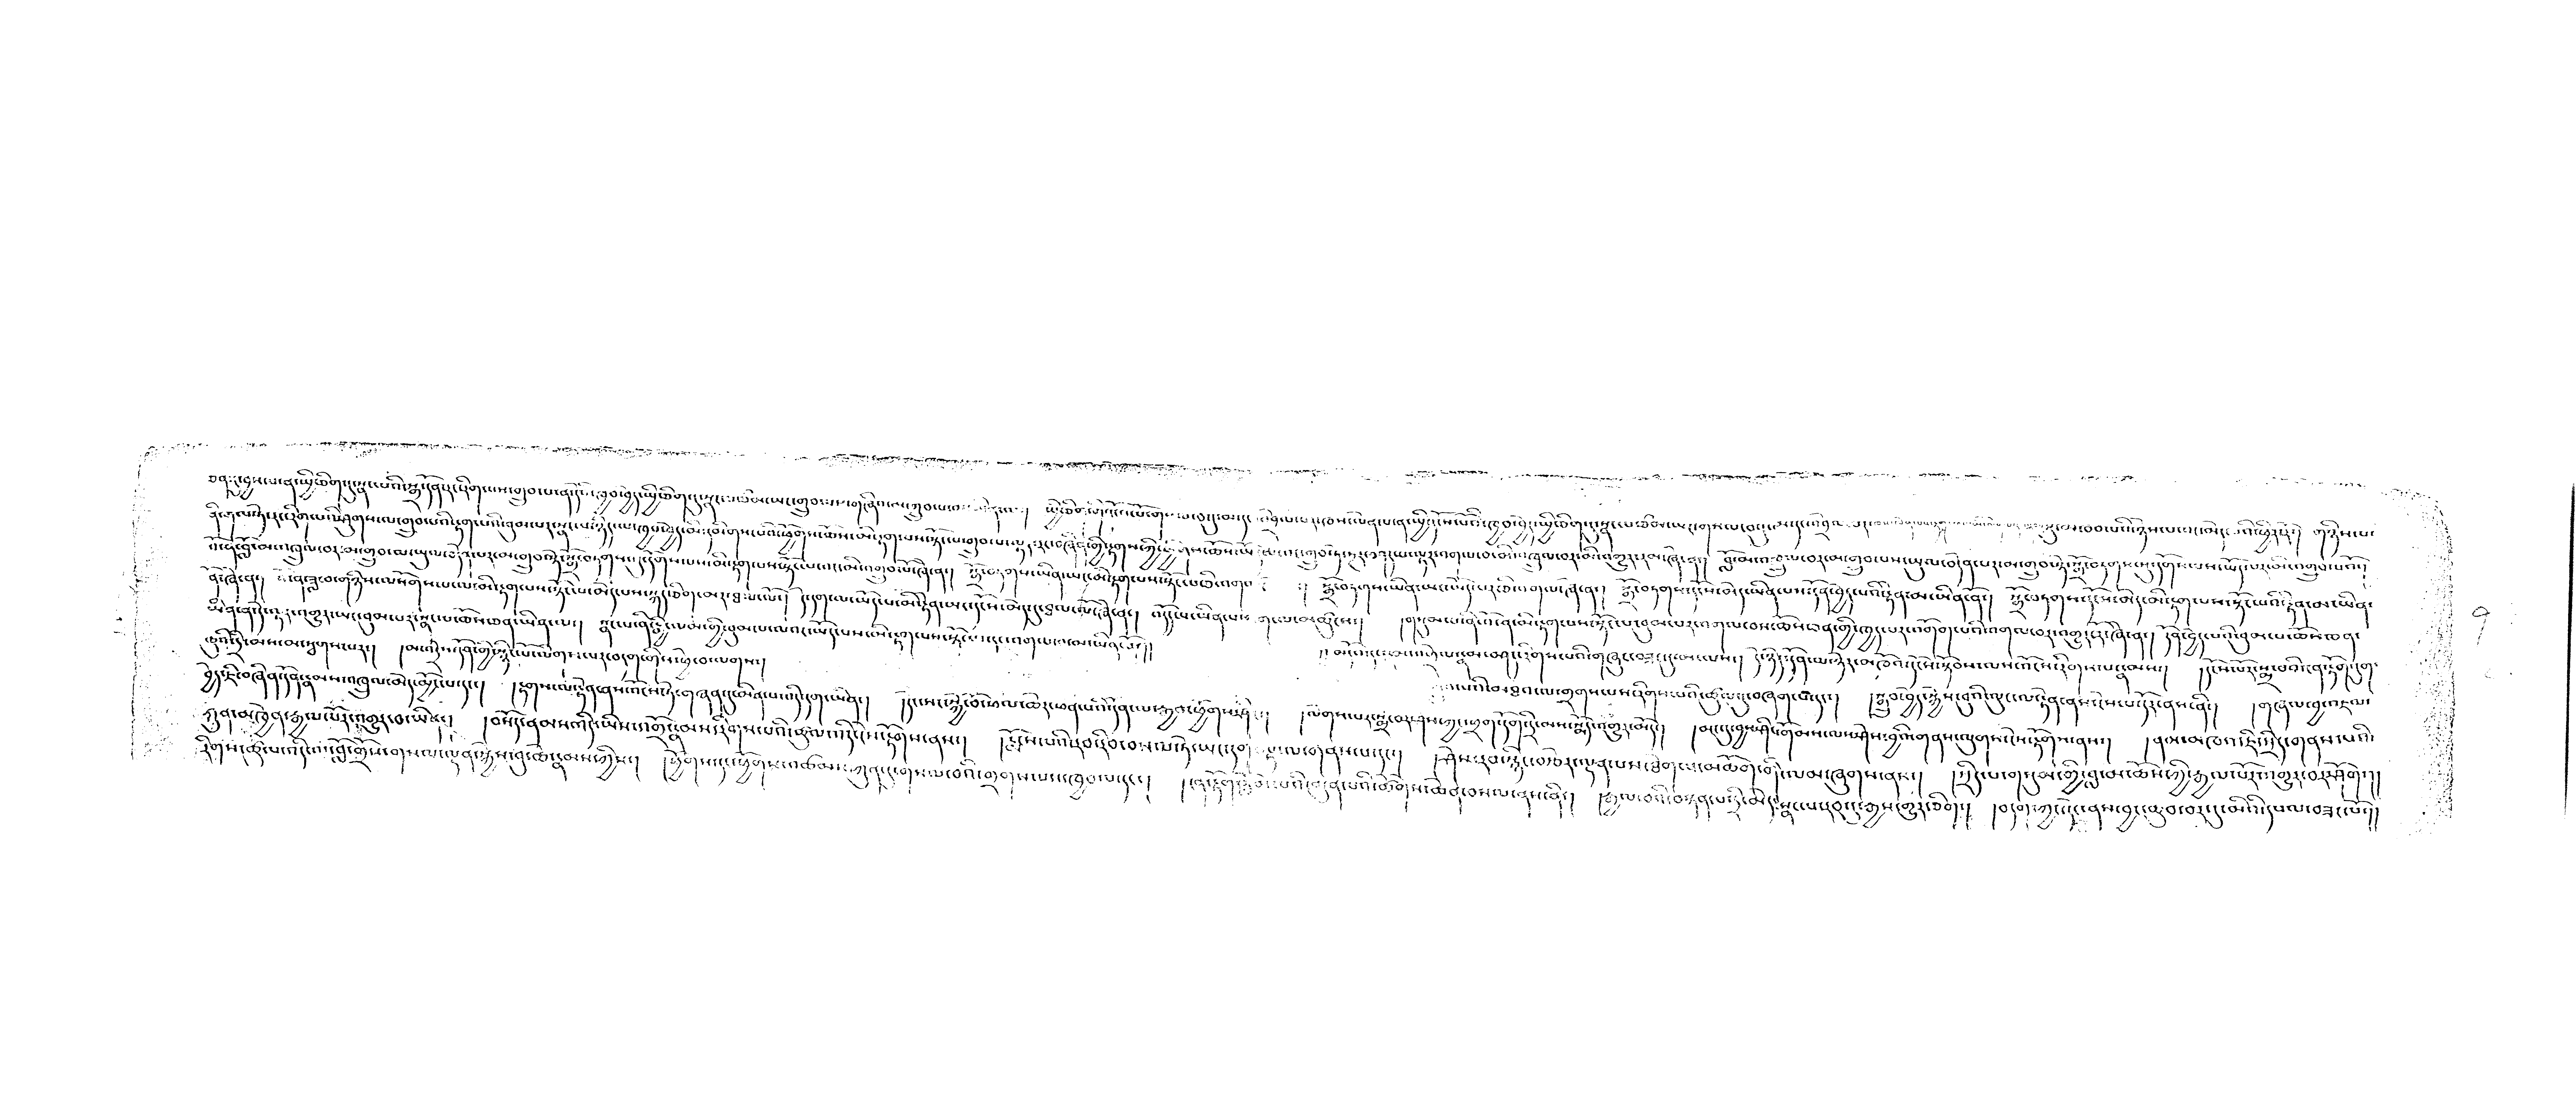ཅན་དུ་བྱས་པ་ན་སྤྱི་ཅིག་དུ་སྣང་པའི་སྒྲ་དོན་རང་རིག་པས་གྲུབ་པ་ན་དེའི་ཁྱབ་བྱེད་སྤྱི་ཅིག་དུ་སྣང་པ་ཙམ་ཡང་གྲུབ་པས་གཞིས་མ་གྲུབ་པ་མ་ཡིན་ལ། སྤྱི་ཅིག་གི་དངོས?་པོ?་གསལ་བ་དུ་མ་དང་འབྲེལ་པར་ཁས་ལེན་པ་ན་སྤྱི་དངོས་པོའི་ཁྱབ་བྱེད་སྤྱི་ཅིག་དུ་སྣང་པ་ཙམ་ཡང་གསལ་བ་དུ་མ་དང་འབྲལ་པར་ཁས་ལན་པས་??་?་། །
ནི་གལ་ཏེ་རང་རིག་པའི་ཤུགས་ལ་གྲུབ་པའི་རྟག་པའི་བུམ་པར་སྣང་པ་ཉིད་ལ་ཁྱབ་བྱེད་མི་དམིགས་པའི་ཕྱོགས་ཆོས་མི་རྟག་པས་སྟོང་པ་གྲུབ་པ་ལྟར་རང་བཞིན་གྱི་རྟགས་ཀྱི་ཕྱོགས་ཆོས་ཡོད་པ་འང་གྲུབ་ཏེ་སྔར་བཤད་པ་ལྟར་འགལ་བ་མི་འཁྲུལ་བར་མི་འགྱུར་རམ་ཞེ་ན། བློ་མ་འཁྲུལ་བར་མ་གྲུབ་པས་ཡུལ་བདེན་པར་མ་གྲུབ་སྟེ་སྒྲོ་བཏགས་སུ་དགོས་པས་ཡོད་པར་མི་འགྲུབ་པའོ།
འོ་ན་བློ་མ་འཁྲུལ་བར་མ་གྲུབ་མ་ཡུལ་བདེན་པར་མ་གྲུབ་སྟེ་སྒྲོ་བཏགས་དུ་དོགས་པས་མི་རྟག་པས་སྟོང་པ་འང་མི་འགྲུབ་པོ་ཞེ་ན། སྒྲོ་བཏགས་ཡིན་ཡང་མི་རྟག་པས་སྟོང་པ་ཅི་འགལ། སྒྲོ་བཏགས་ཡིན་ཡང་ཡོད་པར་ཅི་འགལ་ཞེ་ན། སྒྲོ་བཏགས་དངོས་མེད་ཡིན་པས་དོན་བྱེད་པའི་རྟེན་མ་ཡིན་ནོ། སྒྲོ་བཏགས་དངོས་མེད་མི་རྟག་པས་སྟོང་པའི་རྟེན་མ་ཡིན་
ནོ་ཞེ་ན། འོ་ན་ཟླ་བ་གཉིས་ལ་སོགས་པ་ལ་མི་རྟག་པས་སྟོང་པ་མེད་པས་སྐད་ཅིག་མར་ཐལ་ལོ། དེ་དག་ལ་ཡོད་པ་མི་རྟེན་ཡང་དངོས་མེད་དུ་ཐལ་ལོ་ཞེ་ན། འདོད་པ་ཡིན་པས་ག་ལ་མཚུངས། །གསུམ་པ་ནི་འོ་ན་མི་རྟག་པས་སྟོང་པ་བུམ་པར་འགལ་བས་ཆོས་ཅན་གྱི་ཁྱད་པར་འགོག་པའི་འགལ་བར་འགྱུར་རོ་ཞེ་ན། དོན་བྱེད་པའི་བུམ་པ་ཆོས་ཅན་
ཡིན་ན་དེ་ལྟར་འགྱུར་ཡང་བུམ་པར་སྣང་པ་ཆོས་ཅན་ཡིན་ལ། སྣང་པ་ནི་སྨྱི?་ལམ་གྱི་བུམ་པ་ལའང་ཡོད་པས་མི་རྟག་པས་སྟོང་པ་དང་འགལ་བ་མ་ཡིན་ནོ།། །།མདོའ?་དང་རྣམ་འགྲེལ་རྣམ་བཤད་རིགས་པའི་གཞུང་བཟང་དུ་མ་ལས། དེ་ཉིད་དོན་མ་ཉེར་མཁོའི་དངོས་སྟོབས་ལས་འོངས་རིགས་པ་རྣམས། །དངོས་པོར་སྨྲ་བའི་ངན་རྟོག་དུག་
ཆུའི་དྲི་མས་མ་དྭགས?་པར། །མ་འདྲིས་དོན་གྱི་སྙིང་པོ་ལེགས་པར་བདག་གིས་ཕྱེ་བ་ལགས། ?་པའི་མཐའ་ལ་གྲགས་པས་རིགས་པའི་ཚུལ་དུ་བཞག་པ་དང་། །སྒྲུབ་བྱེད་སྐྱེས་བུའི་ལུང་ལ་རྟེན་ནས་ངེས་པ་དོར་ནས་ནི། །གཞལ་བྱ་འཇལ་
བྱེད་ཇི་བཞིན་དོན་རྣམས་འཁྲུལ་མེད་མྱོང་པ་དང་། །རྟགས་ལ་རྟེན་ནས་འོངས་ཏེ་གཞན་དུ་མིན་པ་འདི་དག་ཡིན། །དེང་སང་སྐྱེ་བོ་ཕལ་ཆེར་ཕན་པའི་དོན་ལ་རྒྱབ་ཕྱོགས་ཤིང་། །ལེགས་པར་སྨྲ་བར་ཤས་ཀྱང་ཕྲག་དོག་དྲི་མས་སྨོད་འགྱུར་མོད། །མང་དུ་བྱས་ཤིང་གོམས་ལས་ཤེས་བྱའི་གནས་ལུགས་ངེས་རྟོགས་ནས། །ནམ་མཁའ་ཇི་སྲིད་གནས་པའི་
ཀུན་མཁྱེན་རྒྱལ་པོར་འགྱུར་བ་ཡིན། །བསོད་ནམས་འདི་ཡིས་འགྲོ་རྣམས་རིགས་པའི་ཚུལ་འདི་ངེས་རྟོགས་ནས། །སྨོས་པའི་རབ་རིབ་བསལ་ཏེ་ཡང་དག་ལྷ་ལ་གནས་པ་དང་། །ཤེས་རབ་སྙིང་བརྩེར་ལྡན་པས་ཐེག་པ་མཆོག་གི་ལམ་ཞུགས་ནས། །སྲིད་པ་གསུམ་གྱི་བླ་མ་ཆོས་ཨཀྱི་རྒྱལ་པོར་འགྱུར་བར་ཤོག།།
རིགས་ཚུལ་འདི་ལ་བློ་གྲོས་གསལ་ལྡན་སྐྱེས་བུ་ཆོས་རྣམས་ཀྱིས། །ཕྱོགས་དང་ཕྱོགས་འཚམ་ཀུན་དུ་གསལ་བའི་གྲགས་པས་ཁྱབ་པ་དང་། །ངན་རྟོག་བློམ་པའི་བདུན་པའི་ཚོགས་ཆེན་བསལ་ནས་ནི། །རྒྱལ་བའི་བསྟན་པ་དྲི་མེད་སྣང་པ་རབ་དུ་རྒྱས་གྱུར་ཅིག། །བདག་ཀྱང་དེང་ནས་བྱང་ཆུབ་བར་དུ་མིའི་དཔལ་བཟང་པོ།།